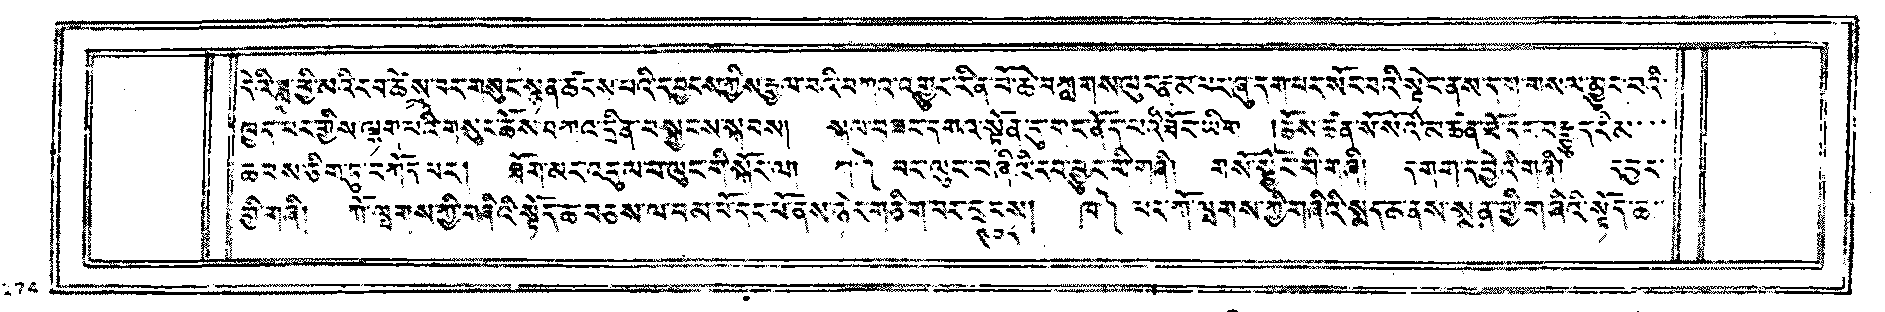དེའི་ཟླ ༥་ཕྱི་མའི་རབ་ཚེས ༡༣་བར་གསུང་སྙན་ཚངས་པའི་དབྱངས་ཀྱིས་རྒྱལ་བའི་བཀའ་འགྱུར་རིན་པོ་ཆེ་བཀླགས་ལུང་རྣམ་པར་ཞུ་དག་པར་སོང་བའི་སྟེང་ནས་དག་གསལ་མྱུར་བའི་
ཁྱད་པར་གྱིས་ལྷག་པའི་གསུང་ཆོས་བཀའ་དྲིན་བསྐྱངས་སྐབས། སྐལ་བཟང་དགའ་སྟོན་དུ་གང་ནོད་པའི་ཐོབ་ཡིག །ཆོས་ཚན་སོ་སོའི་མཚན་ཐོ་དང་བརྒྱུད་རིམ་
ཆབས་ཅིག་ཏུ་བཀོད་པར། ཐོག་མར་འདུལ་བ་ལུང་གི་སྐོར་ལ། ཀ་པར་ལུང་བཞིའི་རབ་བྱུང་གི་གཞི། གསོ་སྦྱོང་གི་གཞི། དགག་དབྱེའི་གཞི། དབྱར་
གྱི་གཞི། ཀོ་ལྤགས་ཀྱི་གཞིའི་སྟོད་ཆ་བཅས་ལ་བམ་པོ་དང་པོ་ནས་ཉེར་གཅིག་བར་གྲངས ༤༠༨། ཁ་པར་ཀོ་ལྤགས་ཀྱི་གཞིའི་སྨད་ཆ་ནས་སྨན་གྱི་གཞིའི་སྟོད་ཆ་